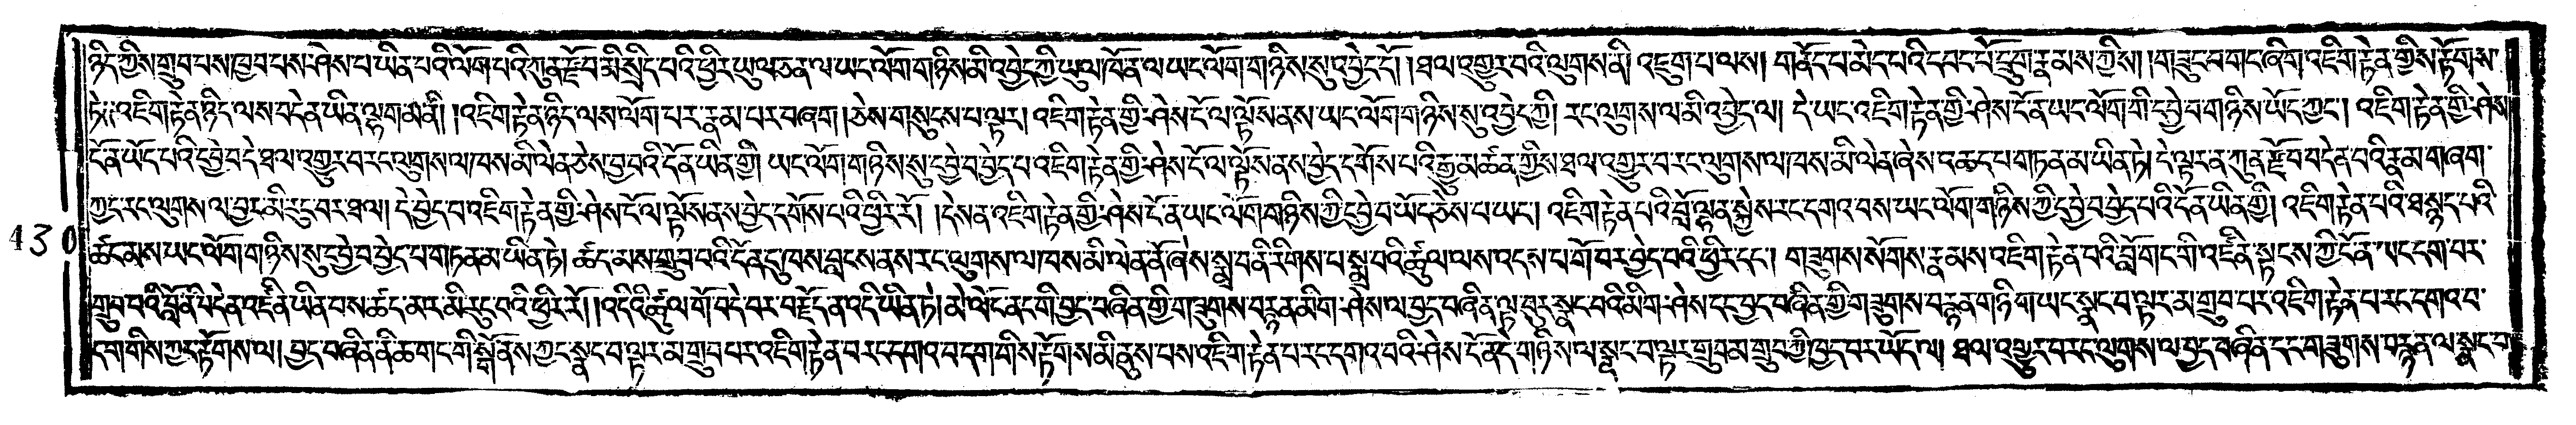ཉིད་ཀྱིས་གྲུབ་བས་ཁྱབ་པས་ཤེས་པ་ཡིན་པའི་ལོག་པའི་ཀུན་རྫོབ་མི་སྲིད་པའི་ཕྱིར་ཡུལ་ཅན་ལ་ཡང་ལོག་གཉིས་མི་འབྱེད་ཀྱི་ཡུལ་ཁོ་ན་ལ་ཡང་ལོག་གཉིས་སུ་འབྱེད་དོ། །ཐལ་འགྱུར་བའི་ལུགས་ནི། འཇུག་པ་ལས། གནོད་པ་མེད་པའི་དབང་པོ་དྲུག་རྣམས་ཀྱིས། །གཟུང་བ་གང་ཞིག་འཇིག་རྟེན་གྱིས་རྟོགས་
ཏེ༑ ༑འཇིག་རྟེན་ཉིད་ལས་བདེན་ཡིན་ལྷག་མ་ནི། །འཇིག་རྟེན་ཉིད་ལས་ལོག་པར་རྣམ་པར་བཞག །ཅེས་གསུངས་པ་ལྟར། འཇིག་རྟེན་གྱི་ཤེས་ངོ་ལ་ལྟོས་ནས་ཡང་ལོག་གཉིས་སུ་འབྱེད་ཀྱི། རང་ལུགས་ལ་མི་འབྱེད་ལ། དེ་ཡང་འཇིག་རྟེན་གྱི་ཤེས་དོན་ཡང་ལོག་གི་དབྱེ་བ་གཉིས་ཡོད་ཀྱང་། འཇིག་རྟེན་གྱི་ཤེས་
ངོ་ན་ཡོད་པའི་དབྱེ་བ་དེ་ཐལ་འགྱུར་བ་རང་ལུགས་ལ་ཁས་མི་ལེན་ཅེས་བྱ་བའི་དོན་ཡིན་གྱི། ཡང་ལོག་གཉིས་སུ་དབྱེ་བ་བྱེད་པ་འཇིག་རྟེན་གྱི་ཤེས་དོ་ལ་ལྟོས་ནས་བྱེད་དགོས་པའི་རྒྱུ་མཚན་གྱིས་ཐལ་འགྱུར་བ་རང་ལུགས་ལ་ཁས་མི་ལེན་ཞེས་འཆད་པ་གཏན་མ་ཡིན་ཏེ། དེ་ལྟར་ན་ཀུན་རྫོབ་བདེན་པའི་རྣམ་གཞག་
ཀྱང་རང་ལུགས་ལ་བྱར་མི་རུང་བར་ཐལ། དེ་བྱེད་བ་འཇིག་རྟེན་གྱི་ཤེས་ངོ་ལ་ལྟོས་ནས་བྱེད་དགོས་པའི་ཕྱིར་རོ། །དེས་ན་འཇིག་རྟེན་གྱི་ཤེས་ངོ་ན་ཡང་ལོག་གཉིས་ཀྱི་དབྱེ་བ་ཡོད་ཅེས་པ་ཡང་། འཇིག་རྟེན་པའི་བློ་ལྷན་སྐྱེས་རང་དགའ་བས་ཡང་ལོག་གཉིས་ཀྱི་དབྱེ་བ་བྱེད་པའི་དོན་ཡིན་གྱི། འཇིག་རྟེན་པའི་ཐ་སྙད་པའི་
ཚད་མས་ཡང་ལོག་གཉིས་སུ་དབྱེ་བ་བྱེད་པ་གཏན་མ་ཡིན་ཏེ། ཚད་མས་གྲུབ་པའི་དོན་དུ་ཁས་བླངས་ནས་རང་ལུགས་ལ་ཁས་མི་ལེན་ནོ་ཞེས་སྨྲ་བ་ནི་རིགས་པ་སྨྲ་བའི་ཚུལ་ལས་འདས་པ་གོ་བར་བྱེད་པའི་ཕྱིར་དང་། གཟུགས་སོགས་རྣམས་འཇིག་རྟེན་བའི་བློ་གང་གི་འཛིན་སྟངས་ཀྱི་དོན་ཡང་དག་བར་
གྲུབ་པའི་བློ་ནི་བདེན་འཛིན་ཡིན་པས་ཚད་མར་མི་རུང་བའི་ཕྱིར་རོ། །འདིའི་ཚུལ་གོ་བདེ་བར་བརྗོད་ན་འདི་ཡིན་ཏེ། མེ་ལོང་ནང་གི་བྱད་བཞིན་གྱི་གཟུགས་བརྙན་མིག་ཤེས་ལ་བྱད་བཞིན་ལྟ་བུར་སྣང་བའི་མིག་ཤེས་དང་བྱད་བཞིན་གྱི་གཟུགས་བརྙན་གཉི་ག་ཡང་སྣང་བ་ལྟར་མ་གྲུབ་པར་འཇིག་རྟེན་པ་རང་དགའ་བ་
དག་གིས་ཀྱང་རྟོགས་ལ། བྱད་བཞིན་ནི་ཆ་གང་གི་སྒོ་ནས་ཀྱང་སྣང་བ་ལྟར་མ་གྲུབ་པར་འཇིག་རྟེན་བ་རང་དགའ་བ་དག་གིས་རྟོགས་མི་ནུས་པས་འཇིག་རྟེན་པ་རང་དགའ་བའི་ཤེས་ངོ་ན་དེ་གཉིས་ལ་སྣང་བ་ལྟར་གྲུབ་མ་གྲུབ་ཀྱི་ཁྱད་པར་ཡོད་ལ། ཐལ་འགྱུར་བ་རང་ལུགས་ལ་བྱད་བཞིན་དང་གཟུགས་བརྙན་ལ་སྣང་བ་